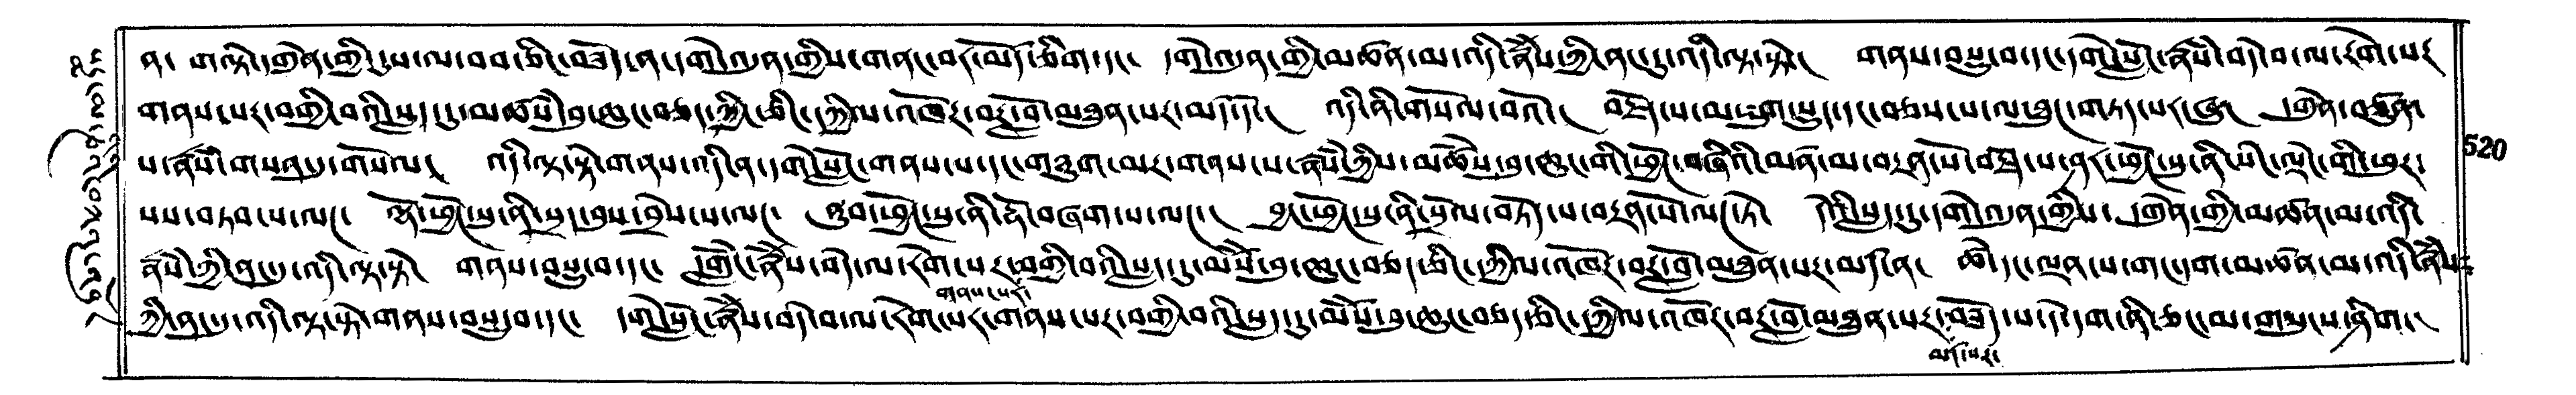ན། གལ་ཏེ་དགེ་འདུན་གྱི་དུས་ལ་བབ་ཅིང་བཟོད་ན་དགེ་འདུན་གྱིས་གནང་བར་མཛོད་ཅིག་དང་། དགེ་འདུན་གྱི་མཚན་མ་འདི་རྣམས་ཀྱི་ནང་དུ་འདི་ལྟ་སྟེ། གནས་བསྡུ་བ་དང་དགེ་སློང་རྣམས་བདེ་བ་ལ་རེག་པར་
གནས་པར་བགྱི་བའི་སླད་དུ་མཚམས་བུ་ཆུང་བཅད་ཅིང་དཀྱིལ་འཁོར་བར་བློ་མཐུན་པར་མཛད་དོ།། འདི་ནི་གསོལ་བའོ།། བརྗོད་པ་མཇུག་སྡུད་དང་བཅས་པ་ལ་ཐུགས་གཏད་པར་ཞུ། དགེ་འདུན་བཙུན་པ་
རྣམས་གསན་དུ་གསོལ། འདི་ལྟ་སྟེ་གནས་འདི་ན་དགེ་སློང་གནས་པ་དང་གཉུག་མར་གནས་པ་རྣམས་ཀྱིས་མཚམས་བུ་ཆུང་གི་ཕྱོགས་བཞིའི་མཚན་མ་བརྟན་པོ་བརྗོད་པ་ཤར་ཕྱོགས་སུ་ནི་སེང་ལྡེང་གི་ཕུར་
པས་བཏབ་པ་ལགས། ལྷོ་ཕྱོགས་སུ་ནི་སྲད་བུས་བྲེས་པ་ལགས། ནུབ་ཕྱོགས་སུ་ནི་རྡོ་བཞག་པ་ལགས། བྱང་ཕྱོགས་སུ་ནི་སྲོལ་བཏོད་པ་བརྟན་པོ་ལགས་ཏེ། དེའི་སླད་དུ་དགེ་འདུན་གྱིས་དགེ་འདུན་གྱི་མཚན་མ་འདི་
རྣམས་ཀྱི་ནང་དུ་འདི་ལྟ་སྟེ། གནས་བསྡུ་བ་དང་། དགེ་སློང་རྣམས་བདེ་ལ་རེག་པར་གནས་པར་བགྱི་བའི་སླད་དུ་མཚམས་བུ་ཆུང་བཅད་ཅིང་དཀྱིལ་འཁོར་བར་བློ་མཐུན་པར་མཛད་ན། ཚེ་དང་ལྡན་པ་གང་དག་མཚན་མ་འདི་རྣམས་
ཀྱི་ནང་དུ་འདི་ལྟ་སྟེ་གནས་བསྡུ་བ་དང་། དགེ་སློང་རྣམས་བདེ་བ་ལ་རེག་པར་གནས་པར་བགྱི་བའི་སླད་དུ་མཚམས་བུ་ཆུང་བཅད་ཅིང་དཀྱིལ་འཁོར་བར་བློ་མཐུན་པར་མཛད་པར་བཟོད་པ་དེ་དག་ནི་ཅང་མ་གསུངས་ཤིག